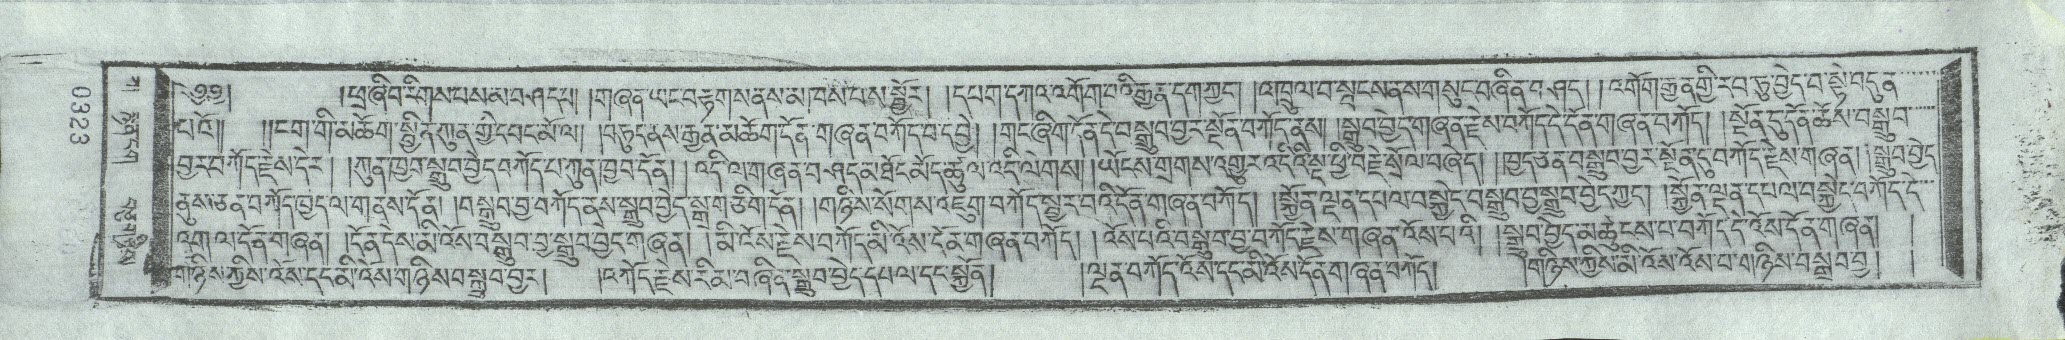༄༅། །ཕྲ་ཞིབ་རིགས་བསམ་བཤད་པ། །གཞན་ཡང་བརྟགས་ནས་མཁས་པས་སྦྱོར། །དཔག་དཀའ་འགོག་པའི་རྒྱན་དག་ཀྱང་། །འཁྲུལ་བ་སྤངས་ནས་གསུང་བཞིན་བཤད། །འགོག་རྒྱན་གྱི་རབ་ཏུ་བྱེད་པ་སྟེ་བདུན་
པའོ།། །།ངག་གི་མཆོག་སྦྱིན་ཀུན་གྱི་དབང་མོལ། །བཏུད་ནས་རྒྱན་མཆོག་དོན་གཞན་བཀོད་བ་དབྱེ། །གང་ཞིག་དོན་དེ་བསྒྲུབ་བྱར་སྔོན་བཀོད་ནས། །སྒྲུབ་བྱེད་གཞན་རྗེས་བཀོད་དེ་དོན་གཞན་བཀོད། །སྔོན་དུ་དོན་ཆོས་བསྒྲུབ?
བྱར་བཀོད་རྗེས་དེར། །ཀུན་ཁྱབ་སྒྲུབ་བྱེད་བཀོད་པ་ཀུན་ཁྱབ་དོན། །འདི་ལ་གཞན་བཤད་མཐོང་མོད་ཚུལ་འདི་ལེགས། །ཡོངས་གྲགས་འགྱུར་འདིའི་སྔ་ཕྱི་བརྗེ་སྲོལ་བཞེད། །ཁྱད་ཅན་བསྒྲུབ་བྱར་སྔོན་དུ་བཀོད་རྗེས་གཞན།?  བ་བྱེད་
ནུས་ཅན་བཀོད་བྱད་ལ་གནས་དོན། །སྒྲུབ་བྱ་བཀོད་ནས་སྒྲུབ་བྱེད་སྒྲ་གཅིག་དོན། །གཉིས་སོགས་འཇུག་བཀོད་སྦྱར་བའི་དོན་གཞན་བཀོད། །སྐྱོན་ལྡན་དཔལ་བསྐྱེད་བསྒྲུབ་བྱ་སྒྲུབ་བྱེད་ཀྱང་། །སྐྱོན་ལྡན་དཔལ་བསྐྱེད་བའི?་ང་དེ་
འགལ་དོན་གཞན། །དོན་དེས་མི་འོས་བསྒྲུབ་བྱ་སྒྲུབ་བྱེད་གཞན། །མི་འོས་རྗེས་བཀོད་མི་འོས་དོན་གཞན་བཀོད། །འོས་པའི་བསྒྲུབ་བྱ་བཀོད་རྗེས་གཞན་འོས་པའི། །སྒྲུབ་བྱེད་མཚུངས་པ་བཀོད་དེ་འོས་དོན་གཞན། །
གཉིས་ཀྱིས་འོས་དང་མི་འོས་གཉིས་བསྒྲུབ་བྱར། །བཀོད་རྗེས་རིམ་བཞིན་སྒྲུབ་བྱེད་དཔལ་དང་སྐྱོན། །ལྡན་བཀོད་འོས་དང་མི་འོས་དོན་གཞན་བཀོད། །གཉིས་ཀྱི་མི་འོས་འོས་བ་གཉིས་བསྒྲབ་བྱ། །